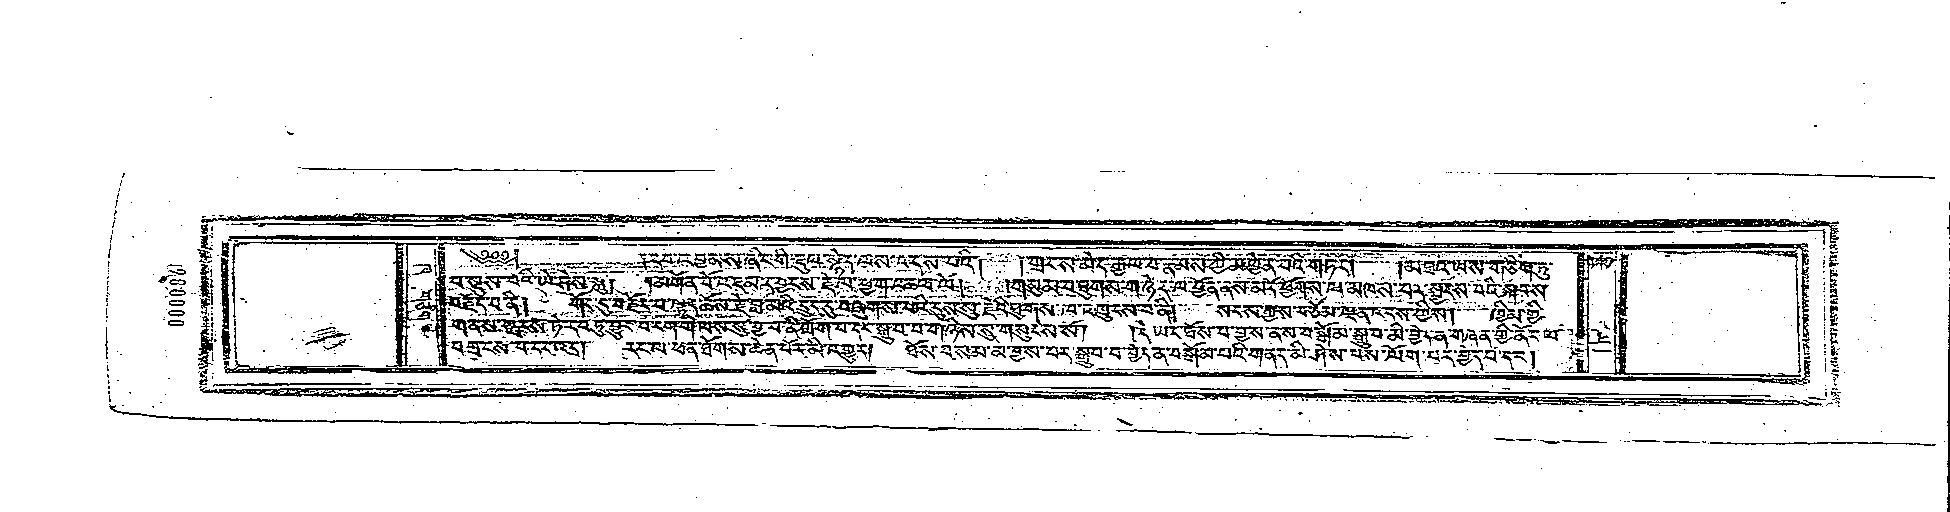༄༅༅། །རབ་འབྱམས་ཞིང་གི་རྡུལ་སྙེད་ལས་འདས་པའི། །གྲངས་མེད་རྒྱལ་བ་རྣམས་ཀྱི་མཁྱེན་བའི་གཏེར། །མཐའ་ཡས་གཅིག་ཏུ་
བསྡུས་བའི་ཡེ་ཤེས་སྐུ། །མགོན་བོ་འཇམ་དབྱངས་རྗེ་ལ་ཕྱག་འཚལ་ལོ། །གསུམ་པ་ཐུགས་གཉེར་ལ་བྱོན་ནས་མདོ་ཕྱོགས་ལ་མཁས་པར་སྦྱངས་བའི་སྐབས་
བརྗོད་བ་ནི། གོང་དུ་བརྗོད་བ་ལྟར་ཆོས་རྗེ་བླ་མའི་དྲུང་དུ་བཞུགས་པའི་དུས་སུ་རྗེའི་ཐུགས་ལ་འཁྲུངས་བ་ནི། སངས་རྒྱས་བཅོམ་ལྡན་འདས་ཀྱིས། ཁྱིམ་གྱི་
གནས་སྤངས་ཏེ་རབ་ཏུ་བྱུང་བ་དག་གི་ལས་སུ་བྱ་བ་ནི་ཀློག་པ་དང་སྒྲུབ་པ་གཉིས་སུ་གསུངས་སོ། །དེ་ཡང་ཐོས་པ་བྱས་ནས་བསྒོམ་སྒྲུབ་མི་བྱེད་ན་གཞན་གྱི་ནོར་ལ་
བགྲངས་པ་དང་འདྲ། རང་ལ་ཕན་ཐོགས་ཆེན་པོར་མི་འགྱུར། ཐོས་བསམ་མ་བྱས་བར་སྒྲུབ་བ་བྱེད་ན་བསྒོམ་པའི་གནད་མི་ཤེས་པས་ལོག་པར་བྱེད་པ་དང་།